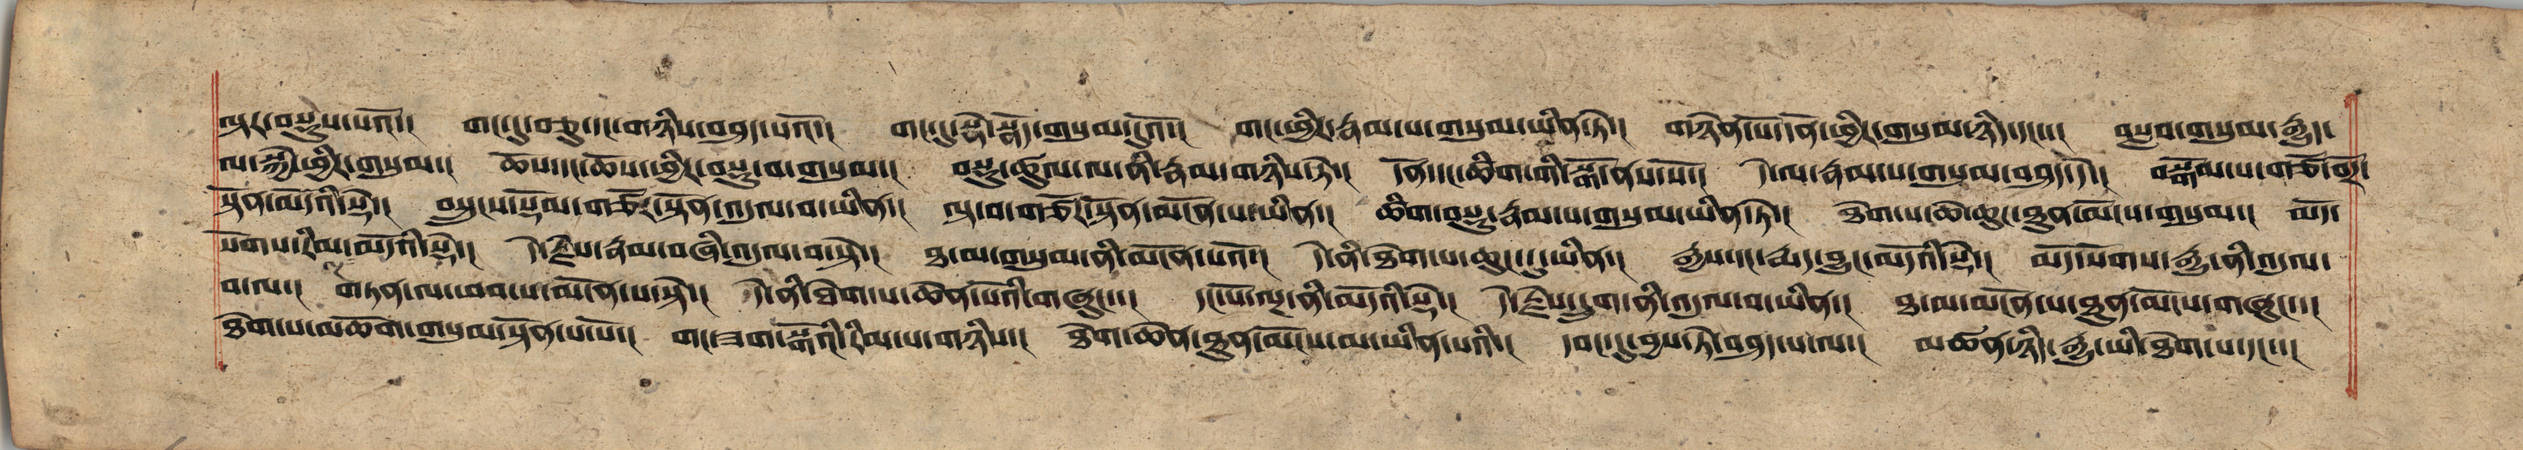ལྟར་བསྡུས་པའོ་། གང་དུ་བཅུ་དང་གཉིས་བཤད་པའོ་། གང་དུ་སྡེ་སྣོད་གསུམ་དུའོ་། གང་ཕྱིར་རྣམ་པ་གསུམ་ཡིན་ཏེ་། གཉེན་པོ་དོན་ཕྱིར་གསུམ་ཉིད་དང་་། བསླབ་གསུམ་རྒྱུད་
ལ་སྐྱེ་ཕྱིར་གསུམ་། ཆོས་དང་ཆོས་ཕྱིར་བསྡུ་བ་གསུམ་། བསྡུ་ཚུལ་ལ་ནི་རྣམ་གཉིས་ཏེ་། དོན་དང་ཚིག་གི་སྒོ་ནས་སོ་། དེ་ལ་རྣམ་པ་གསུམ་བཤད་དོ་། བསྒོམ་པ་གཙོ་བོར་
སྟོན་མདོའི་སྡེ་། བསྲུངས་སྡོམ་གཙོར་སྟོན་འདུལ་བ་ཡིན་། ལྟ་བ་གཙོར་སྟོན་མངོན་པ་ཡིན་། ཚིག་བསྡུ་རྣམ་པ་གསུམ་ཡིན་ཏེ་། ཐེག་པ་ཆེ་ཆུང་ཐུན་མོངས་གསུམ་། མདོ་
སོགས་རིམ་ལྔ་མདོའི་སྡེ་། དེ་རྗེས་རྣམ་བཞི་འདུལ་བ་སྟེ་། ཐ་མ་གསུམ་ནི་མངོན་པའོ་། དེ་ནི་ཐེག་པ་ཆུང་དུ་ཡིན་། རྒྱས་དང་རྨད་བྱུང་མདོའི་སྡེ་། མདོ་སོགས་རྒྱུ་ནི་འདུལ་
བ་ལ་། གཏན་ལ་ཕབ་པ་མངོན་པ་སྟེ་། དེ་ནི་ཐེག་པ་ཆེན་པོའི་གཞུང་་། དང་པོ་ལྔ་ནི་མདོའི་སྡེ་། དེ་རྗེས་དྲུག་ནི་འདུལ་བ་ཡིན་། ཐ་མ་མངོན་པ་ཐུན་མོངས་གཞུང་་།
ཐེག་པ་མཆོག་གསུམ་སྟོན་པ་པོ་། གང་ཟག་སྒོའི་རིམ་པ་གཉིས་། ཐེག་ཆེན་ཐུན་མོངས་མ་ཡིན་པའི་། དབང་དུ་བྱས་ཏེ་བཤད་པ་ལ་། མཚན་ཉིད་རྒྱུ་ཡི་ཐེག་པ་དང་་།